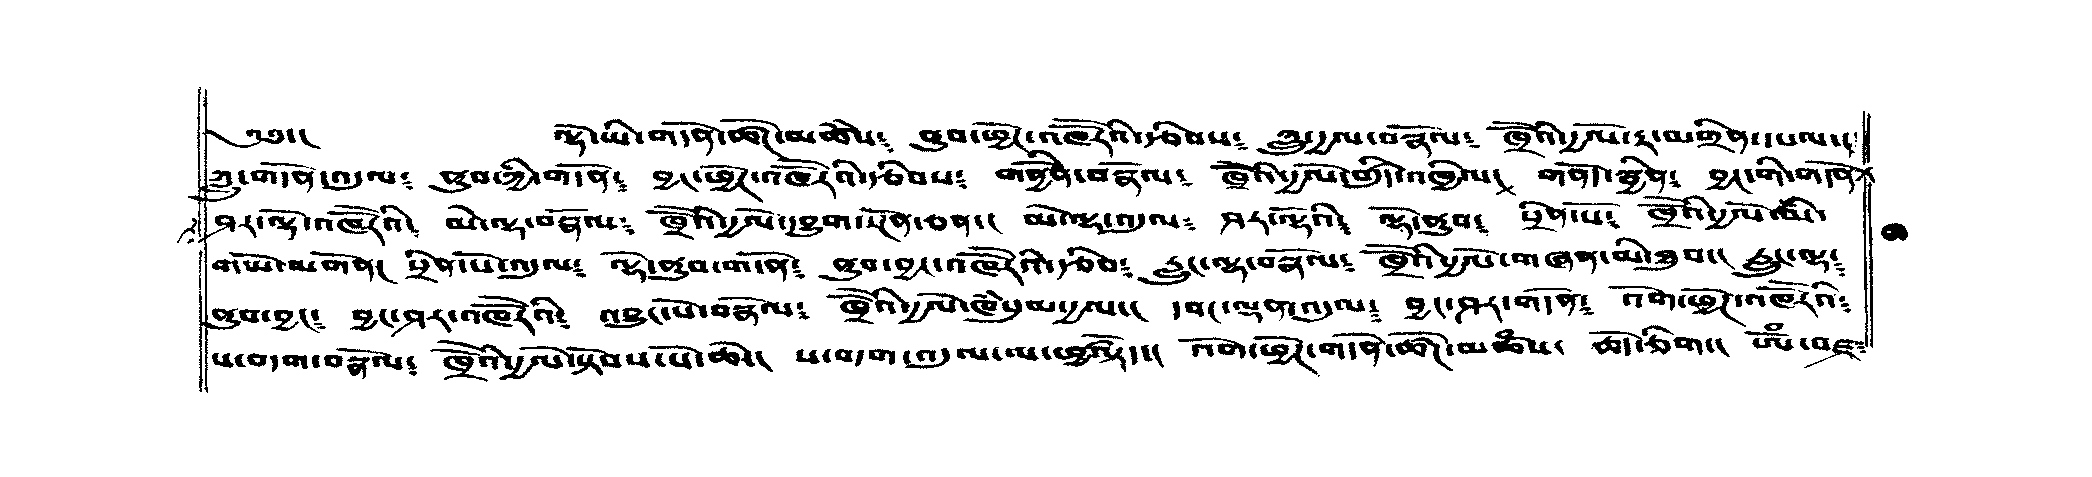ལྷོ་ཡི་གདོན་ཚོགས་མཚམས་༴ ནུབ་ཕྱོགས་འཁོར་ལོའི་རྩིབས་༴ ཀླུ་རྒྱལ་བསྣོལ་༴ ཁྲོ་བོའི་རྒྱལ་པོ་རྟ་མགྲིན་དཔལ། །
ཀླུ་གདོན་འདུལ་༴ ནུབ་ཀྱི་གདོན་༴ བྱང་ཕྱོགས་འཁོར་ལོའི་རྩིབས་༴ གནོད་སྦྱིན་བསྣོལ་༴ ཁྲོ་བོའི་རྒྱལ་པོ་བདུད་རྩི་འཁྱིལ། །གནོད་སྦྱིན་༴ བྱང་གི་གདོན་༴ 
ཤར་ལྷོ་འཁོར་ལོའི་༴ མེ་ལྷ་བསྣོལ་༴ ཁྲོ་བོའི་རྒྱལ་པོ་དབྱུག་སྔོན་ཅན། །མེ་ལྷ་འདུལ་༴ ཤར་ལྷོའོ་༴ ལྷོ་ནུབ་༴ སྲིན་པོ་༴ ཁྲོ་བོའི་རྒྱལ་པོ་མི་
གཡོ་མགོན། །སྲིན་པོ་འདུལ་༴ ལྷོ་ནུབ་གདོན་༴ ནུབ་བྱང་འཁོར་ལོའི་རྩིབས་༴ རླུང་ལྷ་བསྣོལ་༴ ཁྲོ་བོའི་རྒྱལ་པོ་གཞན་མི་ཐུབ། །རླུང་ལྷ་
ནུབ་བྱང་༴ བྱང་ཤར་འཁོར་ལོའི་༴ འབྱུང་པོ་བསྣོལ་༴ ཁྲོ་བོའི་རྒྱལ་པོ་ཁམས་གསུམ་རྒྱལ། །དབང་ལྡན་འདུལ་༴ བྱང་ཤར་གདོན་༴ འོག་ཕྱོགས་འཁོར་ལོའི་
ས་བདག་བསྣོལ། །ཁྲོ་བོའི་རྒྱལ་པོ་སྟོབས་པོ་ཆེ། །ས་བདག་འདུལ་ལ་ཕྱག་འཚལ་བསྟོད། །འོག་ཕྱོགས་གདོན་ཚོགས་མཚམས་ཆོད་ཅིག་ཨོྃ་བཛྲ་